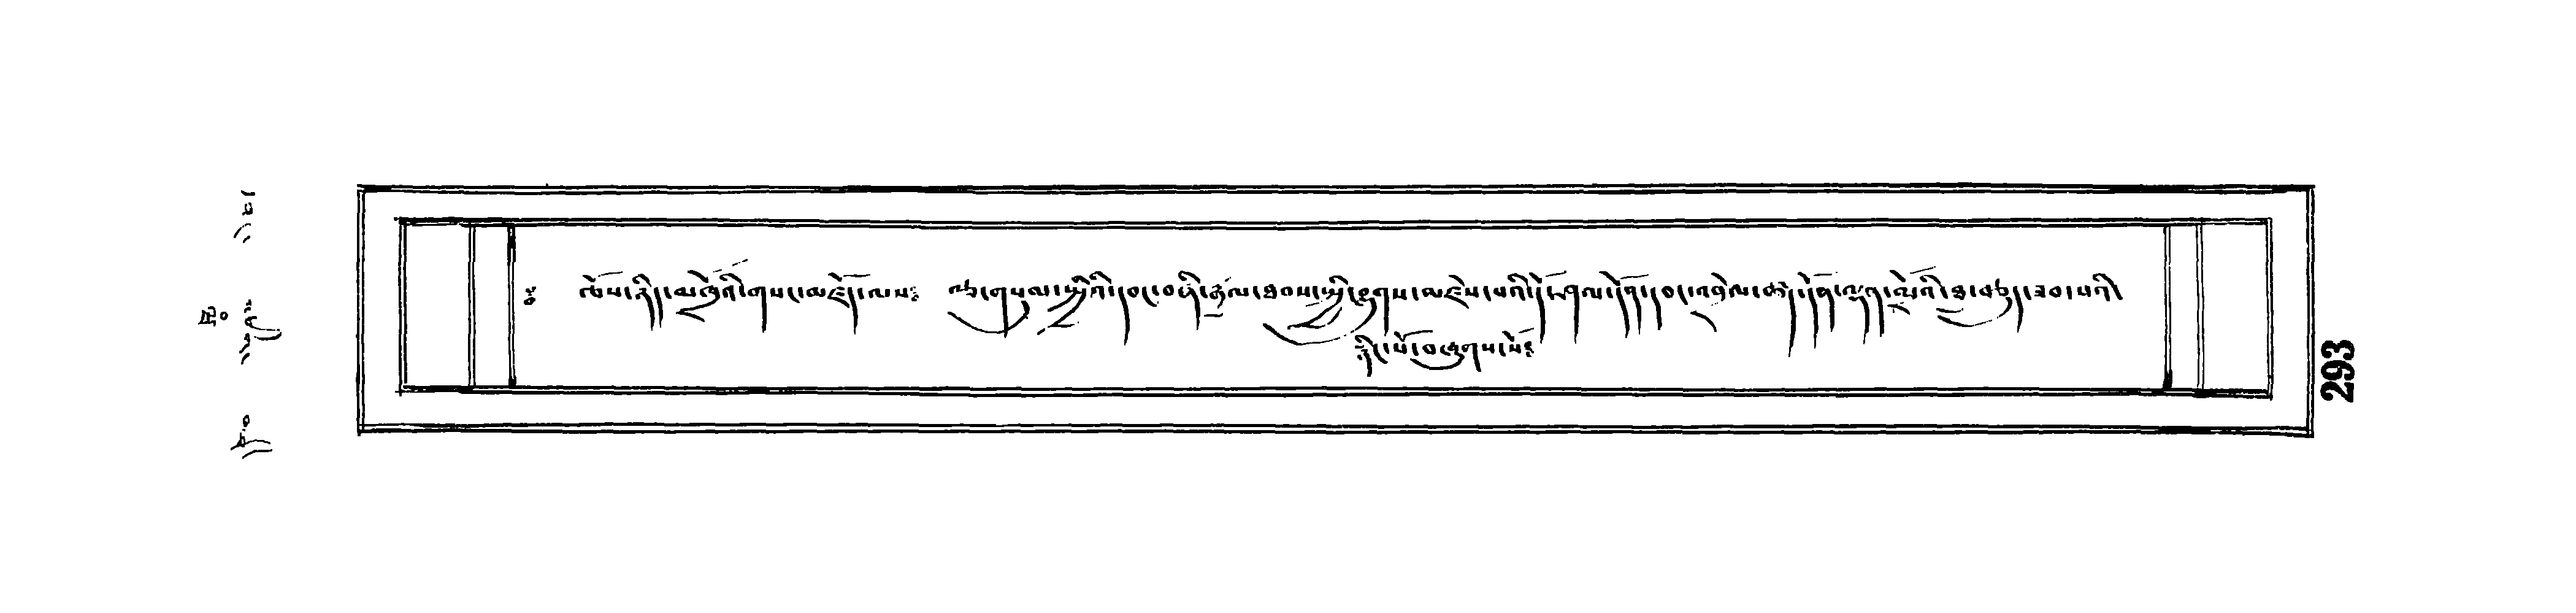ཆོས་ཉིད་མཁའ་འགྲོའི་གསང་མཛོད་ལས༔ རྩ་གསུམ་སྤྱིའི་དབང་བཞི་རྒྱལ་ཐབས་སྤྱི་བླུགས་མཛེས་པའི་དོ་ཤལ་དོན་དབང་འབྲེལ་ཚད་དོན་ལྡན་མཁའ་འགྲོའི་ཐུགས་བཅུད་ཟབ་པའི་སྙིང་པོ་བཞུགས་སོ༔